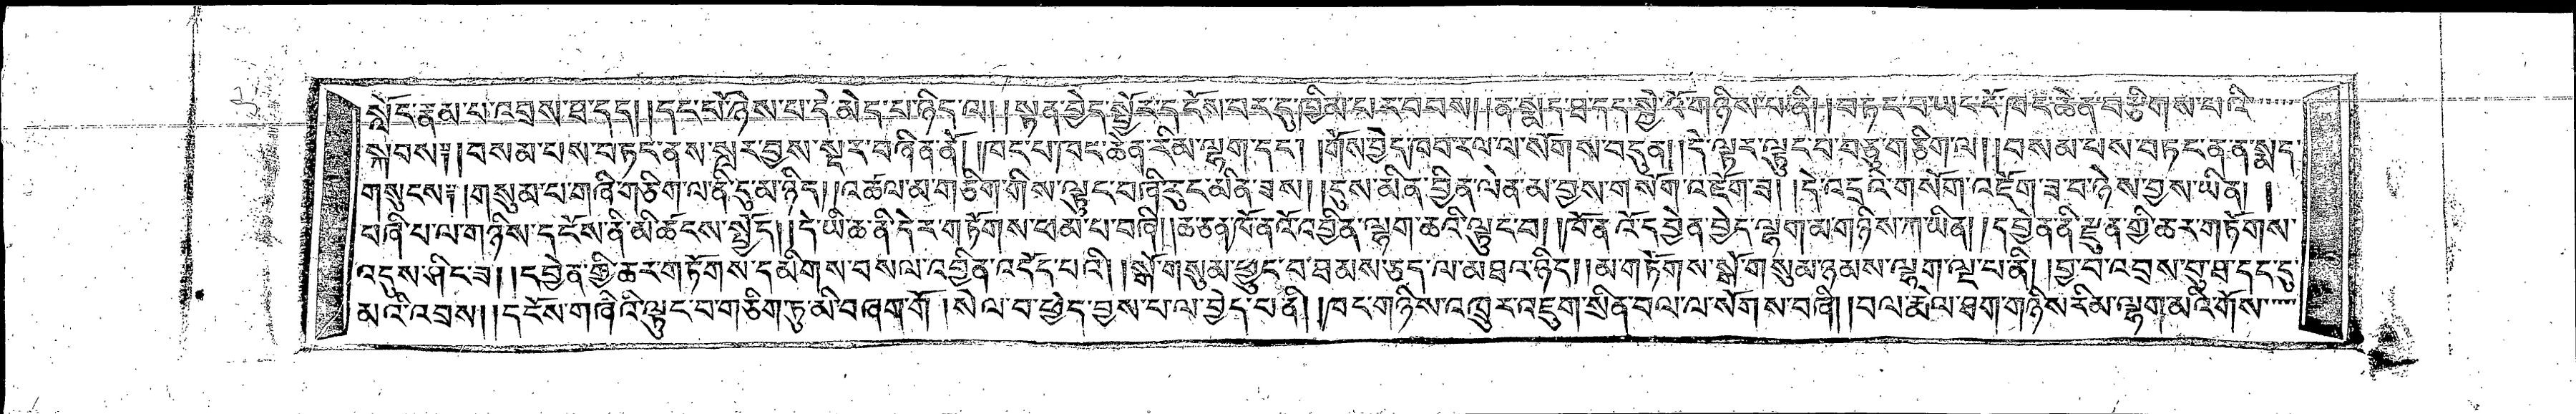སློང་རྣམ་པ་འབྲས་ཐ་དད། །དང་པོ་ཉེས་པ་དེ་མེད་པ་ཉིད་ལ། །སྟན་བྱེད་སྦྱོར་དངོས་བར་དུ་ཁྱིམ་པར་བབས། །ན་སྨད་ཐ་དད་སྐྱེ་འོ་གཉིས་པ་ནི། །བཏང་བ་ཡང་ངོ་ཁང་ཆེན་བརྩིགས་པའི་
སྐབས༑ །བསམ་པས་བཏང་ནས་སླར་བྱས་སྔར་བཞིན་ནོ། །ཁང་པ་ཁང་ཆེན་རིམ་ལྷག་དང་། །གོས་བྱེད་ཁབ་རལ་ལ་སོགས་བདུན། །དེ་ལྟར་ལྟུང་བ་བཅུ་གཅིག་ལ། །བསམ་པས་བཏང་ན་ན་སྨད་
གསུངས༑ །གསུམ་པ་གཞི་གཅིག་ལ་ནི་དུ་མ་ཉིད། །འཚལ་མ་གཅིག་གིས་ལྟུང་བཞི་རུང་མིན་ཟས། །དུས་མིན་བྱིན་ལེན་མ་བྱས་གསོག་འཇོག་ཟ། །དེ་འདྲའི་གསོག་འཇོག་ཟ་བ་ཉེས་བྱས་ཡིན། །
བཞི་པ་ལ་གཉིས་དངོས་ནི་མི་ཚངས་སྤྱོད། །དེ་ཡི་ཆ་ནི་དེར་གཏོགས་ཕམ་པ་བཞི། །ཆ་ཅན་ཁོ་ནའོ་འབྱིན་ལྷག་ཆའི་ལྟུང་བ། །ཁོ་ནའོ་དབྱེན་བྱེད་ལྷག་མ་གཉིས་ཀ་ཡིན། །དབྱེན་ནི་རྫུན་གྱི་ཆར་གཏོགས་
འདུས་ཤིང་ཟ། །དབྱེན་གྱི་ཆར་གཏོགས་དམིགས་བསལ་འབྱིན་འདོད་པའི། །སྒོ་གསུམ་ཕྱུང་བ་ཐམས་ཅད་ལ་མཐའ་ཉིད། །མ་གཏོགས་སྒོ་གསུམ་ཉམས་ལྷག་ལྔ་པ་ནི། །བྱ་བ་འབྲས་བུ་ཐ་དང་དུ་
མའི་འབྲས། །དངོས་གཞིའི་ལྟུང་བ་གཅིག་ཏུ་མི་བཞག་གོ །སེལ་བ་ཕྱེད་བྱས་པ་ལ་བྱེད་པ་ནི། །ཁང་གཉིས་འཁྲུར་འཇུག་སྲིན་བལ་ལ་སོགས་བཞི། །བལ་རྨེལ་ཐག་གཉིས་རིམ་ལྷག་མའི་གོས་